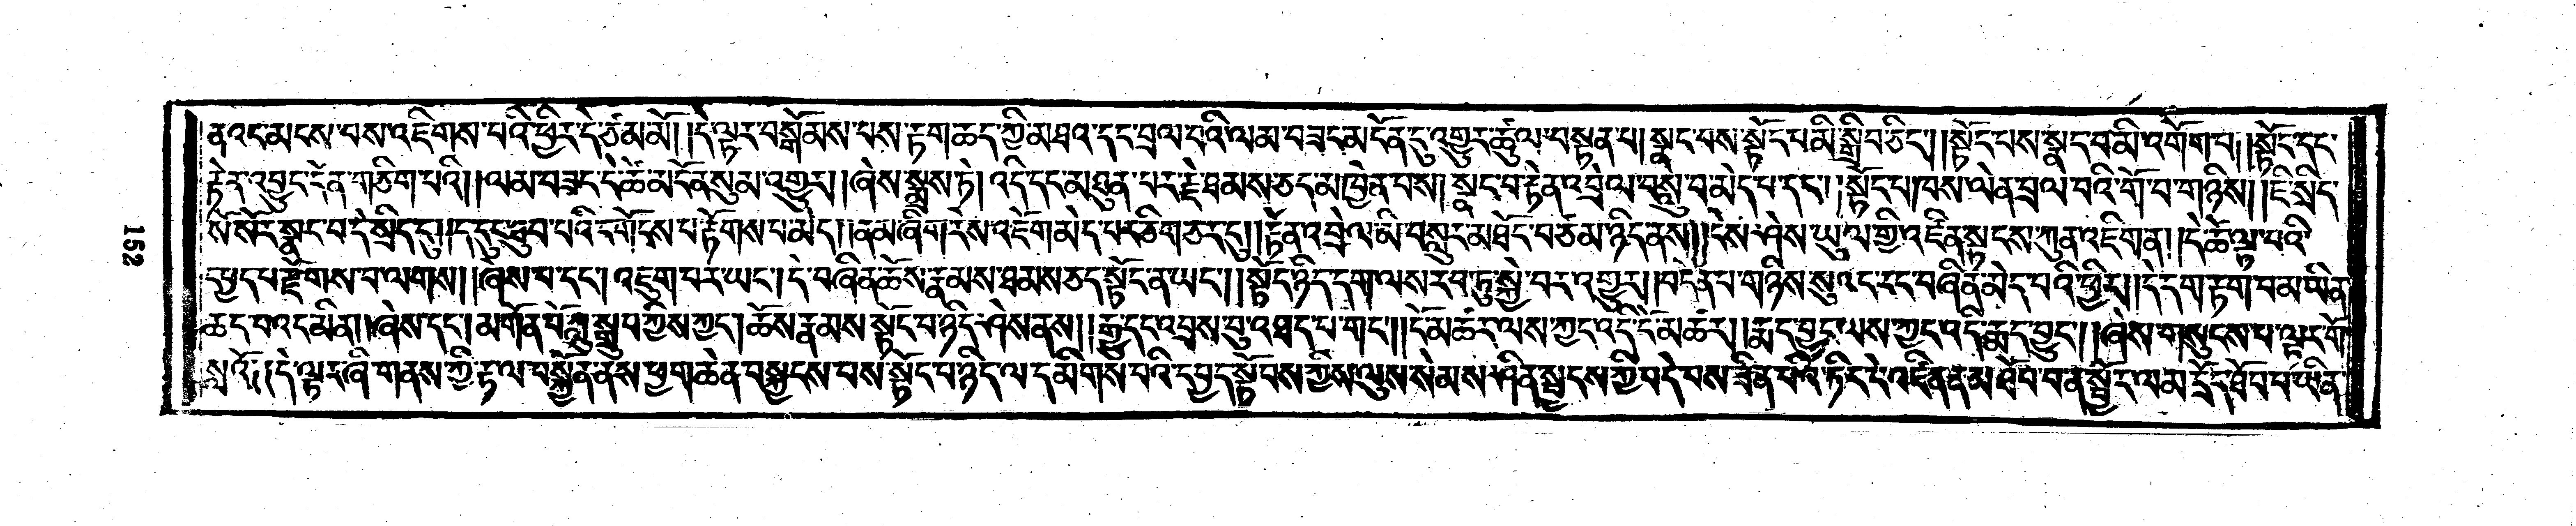ནའང་མངས་པས་འཇིགས་པའི་ཕྱིར་དེ་ཙམ་མོ། །དེ་ལྟར་བསྒོམས་པས་རྟག་ཆད་ཀྱི་མཐའ་དང་བྲལ་བའི་ལམ་བཟང་མངོན་དུ་འགྱུར་ཚུལ་བསྟན་པ། སྣང་བས་སྟོང་པ་མི་སྒྲིབ་ཅིང་། །སྟོང་པས་སྣང་བ་མི་འགོག་པ། །སྟོང་དང་
རྟེན་འབྱུང་དོན་གཅིག་པའི། །ལམ་བཟང་དེ་ཚེ་མངོན་སུམ་འགྱུར། །ཞེས་སྨྲས་ཏེ། འདི་དང་མཐུན་པར་རྗེ་ཐམས་ཅད་མཁྱེན་པས། སྣང་བ་རྟེན་འབྲེལ་བསླུ་བ་མེད་པ་དང་། །སྟོང་པ་ཁས་ལེན་བྲལ་བའི་གོ་བ་གཉིས། །ཇི་སྲིད་
སོ་སོར་སྣང་བ་དེ་སྲིད་དུ། །ད་དུང་ཐུབ་པའི་དགོངས་པ་མེད། །ནམ་ཞིག་རེས་འཇོག་མེད་པར་ཅིག་ཅར་དུ། །རྟེན་འབྲེལ་མི་བསླུར་མཐོང་བ་ཙམ་ཉིད་ནས། །ངེས་ཤེས་ཡུལ་གྱི་འཛིན་སྟངས་ཀུན་འཇིག་ན། །དེ་ཚེ་ལྟ་བའི་
དཔྱད་པ་རྫོགས་པ་ལགས། །ཞེས་པ་དང་། འཇུག་པར་ཡང་། དེ་བཞིན་ཆོས་རྣམས་ཐམས་ཅད་སྟོང་ན་ཡང་། །སྟོང་ཉིད་དག་ལས་རབ་ཏུ་སྐྱེ་བར་འགྱུར། །བདེན་པ་གཉིས་སུའང་རང་བཞིན་མེད་པའི་ཕྱིར། །དེ་དག་རྟག་པ་མ་ཡིན་
ཆད་པའང་མིན། །ཞེས་དང་། མགོན་པོ་ཀླུ་སྒྲུབ་ཀྱིས་ཀྱང་། ཆོས་རྣམས་སྟོང་པ་ཉིད་ཤེས་ནས། །རྒྱུ་དང་འབྲས་བུ་འཐད་པ་གང་། །ངོ་མཚར་ལས་ཀྱང་འདི་ངོ་མཚར། །རྨད་བྱུང་ལས་ཀྱང་འདི་རྨད་བྱུང་། །ཞེས་གསུངས་པ་ལྟར་གོ་
སླའོ། །དེ་ལྟར་ཞི་གནས་ཀྱི་རྟ་ལ་བསྐྱོན་ནས་ཕྱག་ཆེན་བསྐྱངས་པས་སྟོང་པ་ཉིད་ལ་དམིགས་པའི་དཔྱད་སྟོབས་ཀྱིས་ལུས་སེམས་ཤིན་སྦྱངས་ཀྱི་བདེ་བས་ཟིན་པའི་ཏིང་ངེ་འཛིན་ནམ་ཐོབ་པ་ན་སྦྱོར་ལམ་དྲོད་ཐོབ་པ་ཡིན་